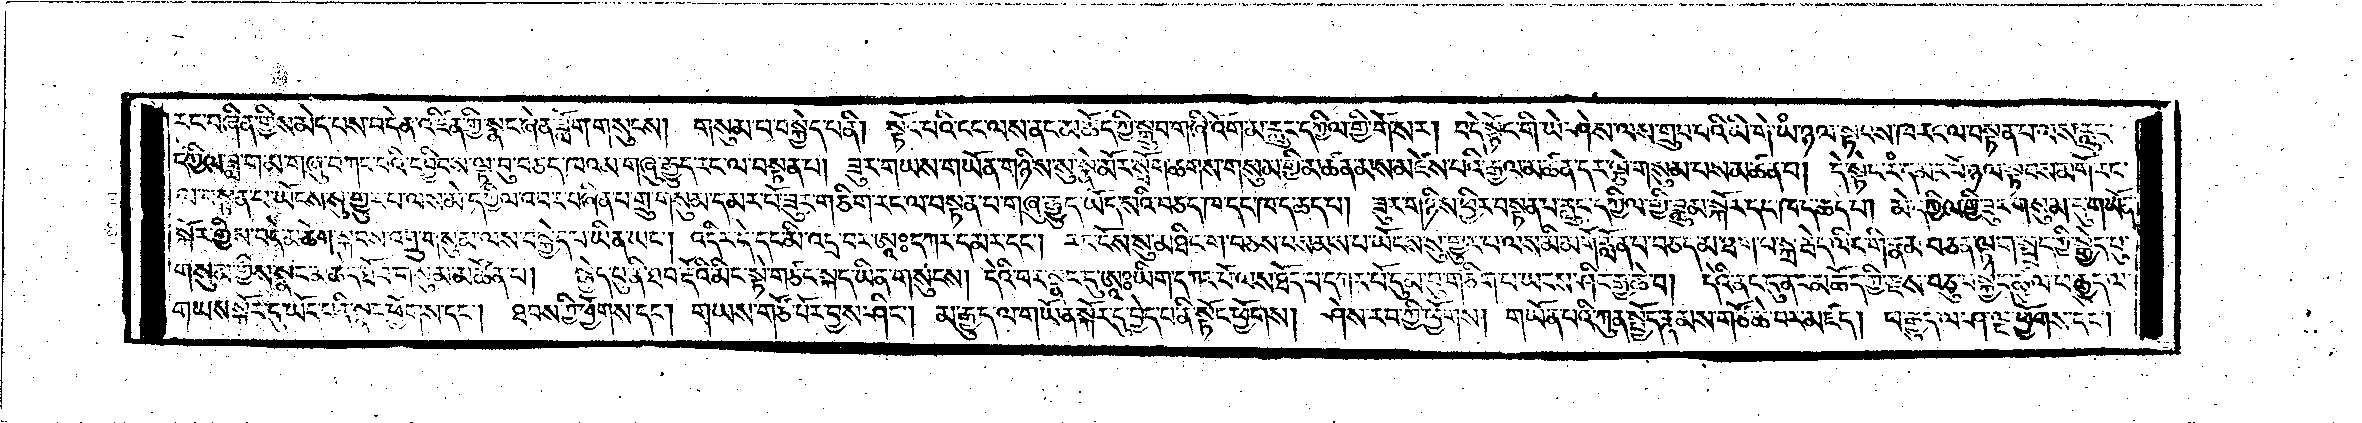རང་བཞིན་གྱིས་མེད་པས་བདེན་འཛིན་གྱི་སྣང་ཞེན་ཟློག་གསུངས། གསུམ་པ་བསྐྱེད་པ་ནི། སྟོང་པའི་ངང་ལས་ནང་མཆོད་ཀྱི་སྒྲུབ་གཞི་འོག་མ་རླུང་དཀྱིལ་གྱི་གོ་སར། བདེ་སྟོང་གི་ཡེ་ཤེས་ལས་གྲུབ་པའི་ཡི་གེ་ཡཾ་ཉལ་སྟབས་ཁ་རང་ལ་བསྟན་པ་ལས་རླུང་
དཀྱིལ་ཟླ་གམ་གཞུ་བཀང་བའི་དབྱིབས་ལྟ་བུ་བཅད་ཁའམ་གཞུ་རྒྱུད་རང་ལ་བསྟན་པ། ཟུར་གཡས་གཡོན་གཉིས་སུ་སྣེ་མོར་སྲོག་ཆགས་གསུམ་གྱི་མཚན་མས་མཛེས་པའི་རྒྱལ་མཚན་དར་ལྕེ་གསུམ་པས་མཚན་པ། དེ་སྟེང་རཾ་དམར་པོ་ཉལ་སྟབས་མགོ་རང་
ལ་བསྟན་པ་ཡོངས་སུ་གྱུར་པ་ལས་མེད་ཀྱིལ་འབར་བཞིན་བ་གྲུ་གསུམ་དམར་པོ་ཟུར་གཅིག་རང་ལ་བསྟན་པ་གཞུ་རྒྱུད་ཡོད་སའི་བཅད་ཁ་དང་ཁ་ད་ཆད་པ། ཟུར་གཉིས་ཕྱིར་བསྟན་པ་རླུང་དཀྱིལ་གྱི་ཟླུམ་སྐོར་དང་ཁ་ད་ཆད་པ། མེ་དཀྱིལ་གྱི་ཟུར་གསུམ་དུ་གཡོན་
སྐོར་གྱིས་བདེ་མཆོག་སྐབས་འབྲུ་གསུམ་ལས་བསྐྱེད་པ་ཡིན་ཡང་། འདིར་དེ་དང་མི་འདྲ་བར་ཨཱཿ དཀར་དམར་དང་། རང་ངོས་སུ་མཐིང་ག་བཅས་བསམས་པ་ཡོངས་སུ་གྱུར་པ་ལས་མི་མགོ་རློན་པ་བཅད་མ་ཐག་པ་སྐྲ་རྦེད་ལིང་གི་རྣམ་པ་ཅན་ལྟག་སྤྲད་ཀྱི་སྒྱེད་བུ་
གསུམ་གྱིས་སྣང་མཆེད་ཐོབ་གསུམ་མཚོན་པ། སྒྱེད་བུ་ནི་ཐབ་རྡོའི་མེད་སྟེ་གཙང་སྐད་ཡིན་གསུངས། དེའི་བར་སྣང་དུ་ཨཱཿ ཡིག་དཀར་པོ་ལས་ཐོད་པ་དཀར་པོ་དུམ་བུ་གཅིག་པ་ཡངས་ཤིང་རྒྱ་ཆེ་བ། དེའི་ནང་དུ་ནང་མཆོད་ཀྱི་རྫས་བཅུ་བསྐྱེད་ཚུལ་ཕ་རྒྱུད་ལ་
གཡས་སྐོར་དུ་ཡོད་བ་ནི་སྣང་ཕྱོགས་དང་། ཐབས་ཀྱི་ཕྱོགས་དང་། གཡས་གཙོ་བོར་བྱས་ཤིང་། མ་རྒྱུད་ལ་གཡོན་སྐོར་དུ་བྱེད་པ་ནི་སྟོང་ཕྱོགས། ཤེས་རབ་ཀྱི་ཕྱོགས། གཡོན་པའི་ཀུན་སྤྱོད་རྣམས་གཙོ་ཆེ་བར་མཛད། ཕ་རྒྱུད་ལ་ཤ་ལྔ་ཕྱོགས་དང་།